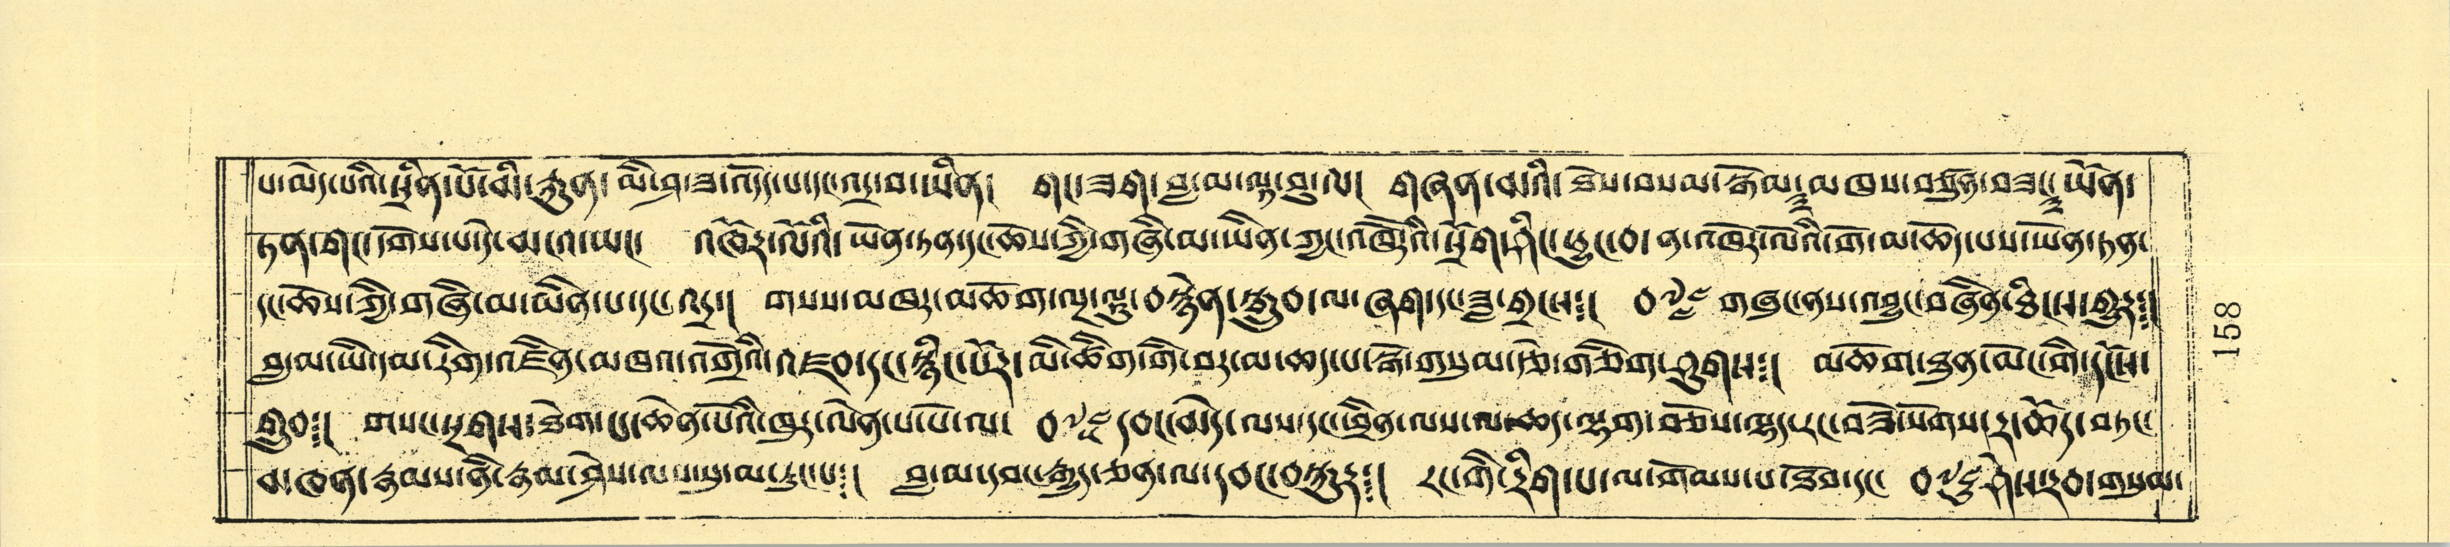པ་མེད་པའི་༼སྲིན་པོ་མི་རྐུན༽མི་ཤ་ཟ་འདོད་པ་དང་འདྲ་བ་༼ཡིན། གང་ཟག༽བླ་མ་ལྟ་བུ་ལ་༼གཞན་མའི༽ཐོས་བསམ་སྒོམ་གསུམ་མཁས་བཙུན་བཟང་གསུམ་མཁས་བཙུན་བཟང་གསུམ་༼ཡོན་
ཏན་གང་༽དགོས་པ་དེ་༼མངའ་ཡང༽༼འཁོར་ལོའི༽ཡོན་ཏན་དང་ཆོས་ཀྱི་གཞི་མ་ཡིན་ཀྱང་འཁོར་ལོའི་༼སྲོག་ཤིང་ཕྱུང་བ༽ན་འཁོར་ལོའི་མ་ཆོད་པས་ཡོན་ཏན་
དང་ཆོས་ཀྱི་གཞི་མ་ཡིན་པ་དང་༼འདྲ༽གསས་མཁར་མཆོག་ལྔ་ལྟ་བུ་༼བསྙེན་སྒྲུབ༽ལ་ཞག་དང་ཟླ་གྲངས་བ༧༤།༤ གཞུང་ཇནས་འབྱུང་བཞིན་༼ཐིངས་གྱུར༽
བླ་མ་ཡི་དམ་རིག་འཛིན་མཁའ་འགྲོའི་༼འཛབ་དང་སྙིང་པོར༽མི་ཚིག་གིས་བར་མ་ཆད་པ་སྒོ་གསུམ་རྩེ་གཅིག་༼ཤུགས༽ མཆོག་ཐུན་མོང་གི་༼དངོས་
གྲུབ་༽གསང་སྔགས་ཐེག་པ་ཆེན་པོའི་ཁུར་ལེན་པ་པོ་ལ་བ༧༤།༤༼དབང་མེད༽ལས་དང་ཕྲིན་ལས་ལ་ཆད་ལྷག་བཅོས་ལྷད་མེད་པ་རང་བཟོ་སོགས་༼ར་ཆོད༽བཏང་
༼མཁན༽རྣམས་ནི་རྣམ་ཤེས་ལས་སུ་མ་རུངས་པ་བླ་མ་དབང་རྒྱུད་ཅན་ལ་ ༼དབང་བསྐུར༽རང་གི་༼རིག་པ་༽ལ་གོིམས་པ་ཐོབ་པ་དང་བ༧༤།༦༼ཤེས་རབ༽གསུམ་